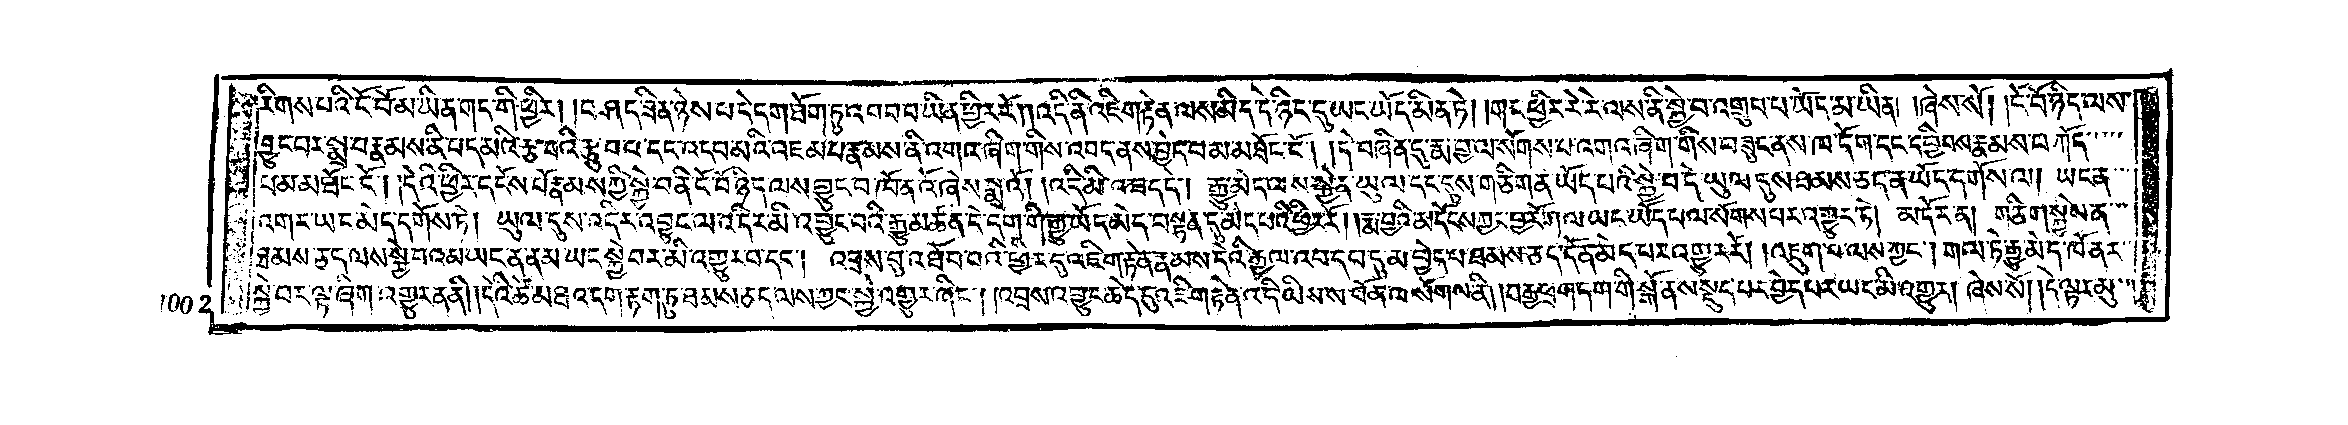རིགས་པའི་ངོ་བོ་མ་ཡིན་གང་གི་ཕྱིར། །བཤད་ཟིན་ཉེས་པ་དེ་དག་ཐོག་ཏུ་འབབ་པ་ཡིན་ཕྱིར་རོ། །འདི་ནི་འཇིག་རྟེན་ལས་མིན་དེ་ཉིད་དུ་ཡང་ཡོད་མིན་ཏེ། །གང་ཕྱིར་རེ་རེ་ལས་ནི་སྐྱེ་བ་འགྲུབ་པ་ཡོད་མ་ཡིན། །ཞེས་སོ། །ངོ་བོ་ཉིད་ལས་
བྱུང་བར་སྨྲ་བ་རྣམས་ནི་པད་མའི་རྩ་བའི་རྩུབ་པ་དང་འདབ་མའི་འཇམ་པ་རྣམས་ནི་འགའ་ཞིག་གིས་འབད་ནས་བྱེད་པ་མ་མཐོང་ངོ། །དེ་བཞིན་དུ་རྨ་བྱ་ལ་སོགས་པ་འགའ་ཞིག་གིས་བཟུང་ནས་ཁ་དོག་དང་དབྱིབས་རྣམས་འགོད་
པ་མ་མཐོང་ངོ། །དེའི་ཕྱིར་དངོས་པོ་རྣམས་ཀྱི་སྐྱེ་བ་ནི་ངོ་བོ་ཉིད་ལས་བྱུང་བ་ཁོ་ནའོ་ཞེས་སྨྲའོ། །འདི་མི་འཐད་དེ། རྒྱུ་མེད་ལས་སྐྱེ་ན་ཡུལ་དང་དུས་གཅིག་ན་ཡོད་པའི་སྐྱེ་བ་དེ་ཡུལ་དུས་ཐམས་ཅད་ན་ཡོད་དགོས་ལ། ཡང་ན་
འགར་ཡང་མེད་དགོས་ཏེ། ཡུལ་དུས་འདིར་འབྱུང་ལ་འདིར་མི་འབྱུང་བའི་རྒྱུ་མཚན་དེ་དག་གི་རྒྱུ་ཡོད་མེད་བསྟན་དུ་མེད་པའི་ཕྱིར་རོ། །རྨ་བྱའི་མདོངས་ཀྱང་བྱ་རོག་ལ་ཡང་ཡོད་པ་ལ་སོགས་པར་འགྱུར་ཏེ། མདོར་ན། གཅིག་སྐྱེས་ན་
ཐམས་ཅད་ལས་སྐྱེ་བའམ་ཡང་ན་ནམ་ཡང་སྐྱེ་བར་མི་འགྱུར་བ་དང་། འབྲས་བུ་འཐོབ་པའི་ཕྱིར་དུ་འཇིག་རྟེན་རྣམས་དེའི་རྒྱུ་ལ་འབད་པ་དུ་མ་བྱེད་པ་ཐམས་ཅད་དོན་མེད་པར་འགྱུར་རོ། །འཇུག་པ་ལས་ཀྱང་། གལ་ཏེ་རྒྱུ་མེད་ཁོ་ནར་
སྐྱེ་བར་ལྟ་ཞིག་འགྱུར་ན་ནི། །དེའི་ཚེ་མཐའ་དག་རྟག་ཏུ་ཐམས་ཅད་ལས་ཀྱང་སྐྱེ་འགྱུར་ཞིང་། །འབྲས་འབྱུང་ཆེད་དུ་འཇིག་རྟེན་འདི་ཡིས་ས་བོན་ལ་སོགས་ནི། །བརྒྱ་ཕྲག་དག་གི་སྒོ་ནས་སྡུད་པར་བྱེད་པར་ཡང་མི་འགྱུར། །ཞེས་སོ། །དེ་ལྟར་མུ་